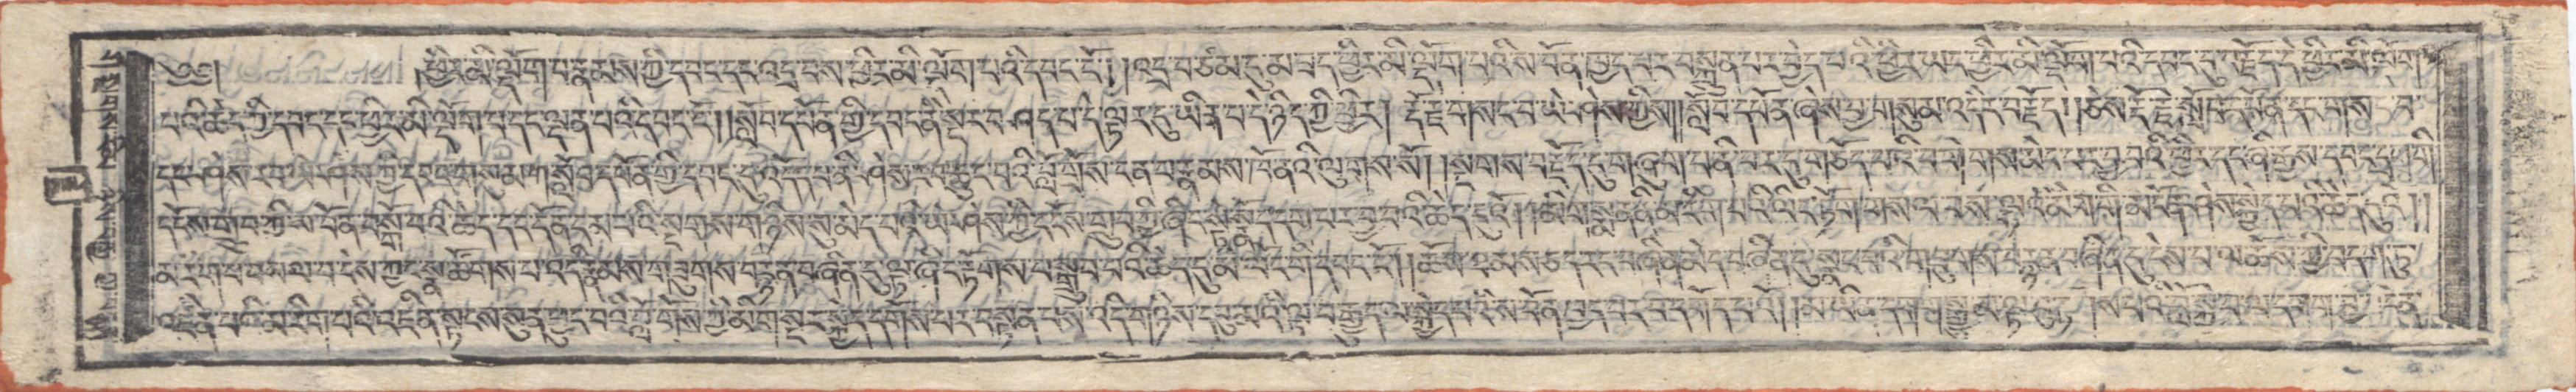༄༅། །ཕྱིར་མི་ལྡོག་པ་རྣམས་ཀྱི་དབང་དང་འདྲ་བས་ཕྱིར་མི་ལྡོག་པའི་དབང་ངོ། །འདྲ་བ་ཙམ་དུ་མ་ཟད་ཕྱིར་མི་ལྡོག་པའི་ས་བོན་ཁྱད་པར་བསྐྲུན་པར་བྱེད་པའི་ཕྱིར་ཡང་ཕྱིར་མི་ལྡོག་པའི་དབང་དུ་བརྗོད་དེ་ཕྱིར་མི་ལྡོག་
པའི་ཆེད་ཀྱི་དབང་དང་ཕྱིར་མི་ལྡོག་པ་དང་ལྡན་པའི་དབང་ངོ། །སློབ་དཔོན་གྱི་དབང་ནི་སྔར་བཤད་པ་དེ་ལྟར་དུ་ཡིན་པ་དེ་ཉིད་ཀྱི་ཕྱིར། རྡོ་རྗེ་གསང་བ་ཡེ་ཤེས་ཀྱིས། །སློབ་དཔོན་ཞེས་བྱ་གསུམ་འདིར་བརྗོད། །ཅེས་རྡོ་རྗེ་སློབ་དཔོན་དང་གསང་བ་
དང་ཤེས་རབ་ཡེ་ཤེས་ཀྱི་དབང་གསུམ་ཀ་སློབ་དཔོན་གྱི་དབང་དུ་འདོད་པ་ནི་ཤེས་རབ་ཆུང་བའི་བློ་གྲོས་ངན་པ་རྣམས་ཁོ་ནའི་ལུགས་སོ། །སྔགས་བརྗོད་དུ་གཞུག་པ་ནི་བར་དུ་གཅོད་པའི་བགེགས་མེད་པར་བྱ་བའི་ཕྱིར་དང་ཞི་རྒྱས་དབང་དྲག་གི་
དངོས་གྲུབ་ཀྱི་ས་བོན་བསྒོ་བའི་ཆེད་དང་དོན་དམ་པའི་སྔགས་གཉིས་སུ་མེད་པའི་ཡེ་ཤེས་ཀྱི་དངོས་གྲུབ་ཀྱི་ཞིང་སྟེ་སྣོད་དག་པར་བྱ་བའི་ཆེད་དུའོ། །མིག་སྨན་ནི་མ་རིག་པའི་ལིང་ཏོག་གསལ་བས་ལྷའི་མིག་གི་མངོན་ཤེས་སྐྱེད་པའི་ཆེད་དུའོ། །
མ་རིག་པ་བསལ་བ་ངེས་ཀྱང་སྣ་ཚོགས་པ་འདི་རྣམས་གཟུགས་བརྙན་བཞིན་དུ་ལྟ་ཞིང་རྟོགས་པ་སྒྲུབ་པའི་ཆེད་དུ་མེ་ལོང་གི་དབང་ངོ། །ཆོས་ཐམས་ཅད་རང་བཞིན་མེད་བཞིན་དུ་སྣང་བའི་གཟུགས་བརྙན་བཞིན་དུ་ངེས་པ་ལ་ཆོས་ཀྱི་བདག་ཏུ་
འཛིན་པའི་མ་རིག་པའི་འཛིན་སྟངས་སུན་ཕྱུང་བའི་བློ་གྲོས་ཀྱི་མིག་སྔར་སྐྱེད་དགོས་པར་བསྟན་པས་འདི་གཉིས་དབུ་མའི་ལྟ་བ་རྒྱུད་ལ་སྐྱེད་པའི་ས་བོན་ཁྱད་པར་བ་དགོད་པའོ། །མ་ཡིན་དགག་སྒྱུ་མ་ལྟ་བུ་རྟོགས་པའི་བློ་སྐྱེ་བ་ལ་དགག་བྱ་བདེན་